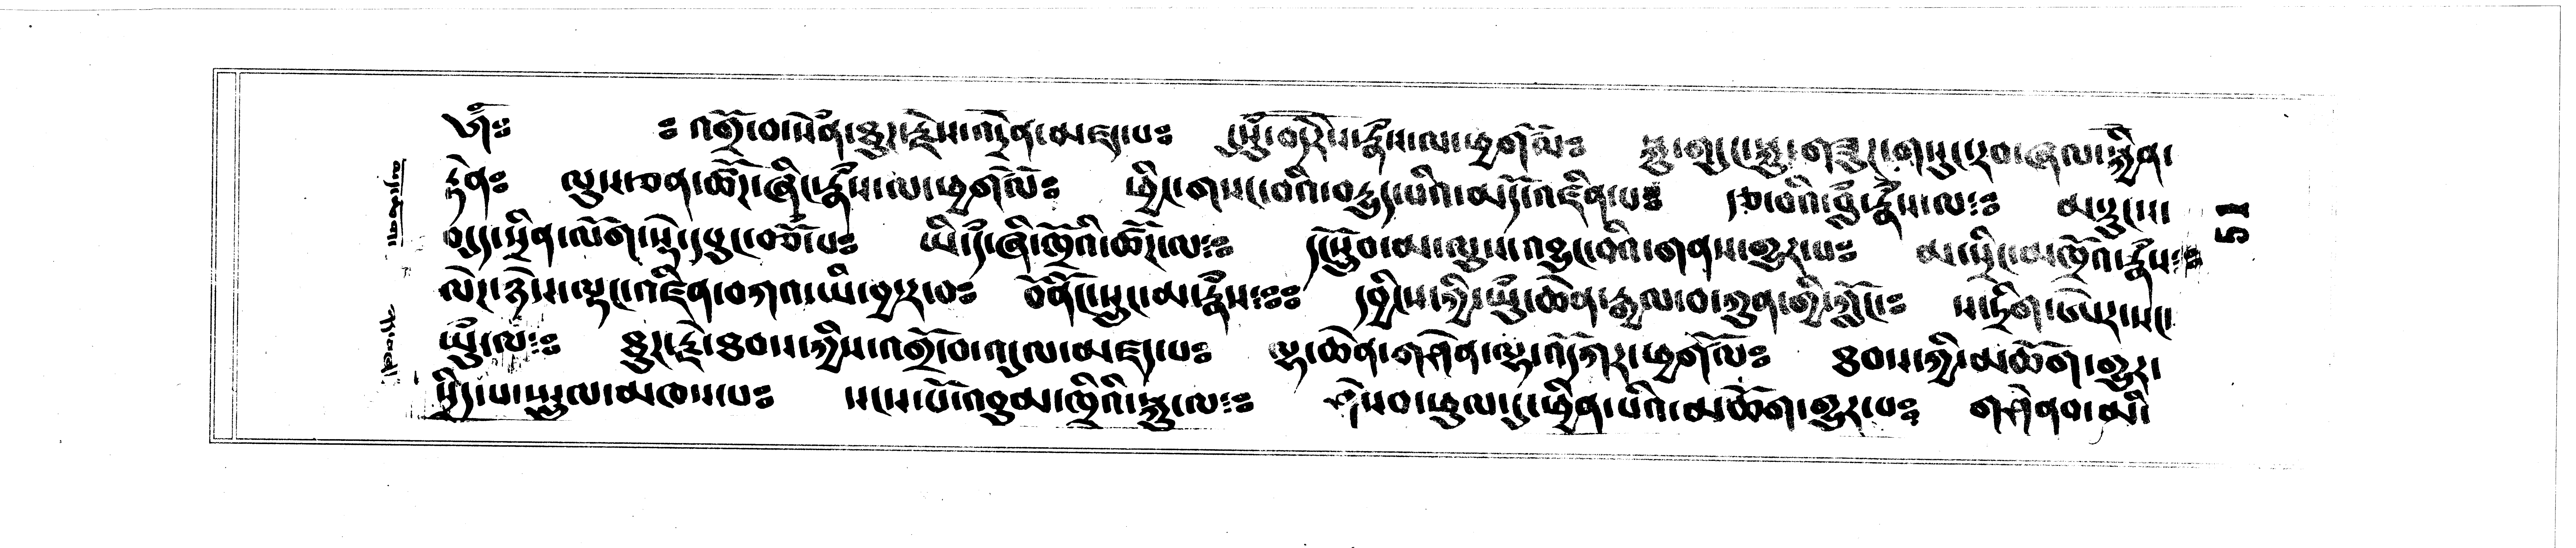འགྲོ་བ་སེམས་ཅན་ཐུགས་རྗེས་འདྲེན་མཛད་པཿ དུས་གསུམ་བདེར་གཤེགས་རྣམས་ལ་ཕྱག་འཚལ་ལོཿ སྐུ་གདུང་སྐུ་གཟུགས་གསུང་རབ་ཞལ་སྐྱིན་
རྟེནཿ ལུས་ཅན་ཚོགས་ཞིང་རྣམས་ལ་ཕྱག་འཚལ་ལོཿ ཕྱི་ནང་གསང་བའི་རྒྱུད་པའི་མདོ་འཛིན་པཿ རྩ་བའི་བླ་མ་རྣམས་ལ་ཕྱག་འཚལ་ལོཿ མ་རུང་
བདུད་སྲིན་ལོག་སྡེ་དཔུང་བཅོམ་པཿ ཡི་དམ་ཞི་ཁྲོའི་ཚོགས་ལ་ཕྱག་འཚལ་ལོཿ དངོས་གྲུབ་མ་ལུས་འབྱུང་བའི་གནས་གྱུར་པཿ མ་སྲིང་མཁའ་འགྲོ་རྣམས་ལ་ཕྱག་འཚལ་ལོཿ 
ལེགས་ཉེས་ལྟང་འཛིན་བཀའ་ཡི་བྱ་ར་བཿ བོན་སྐྱོང་སྲུང་མ་རྣམས་ལ་ཕྱག་འཚལ་ལོཿ དབྱིངས་ཀྱི་ཡུམ་ཆེན་རྒྱལ་བ་ཀུན་གྱི་ཀློངཿ ས་ཏྲིག་ཨེར་སངས་
ཡུམ་ལ་ཕྱག་འཚལ་ལོཿ ཐུགས་རྗེ་ཐབས་ཀྱིས་འགྲོ་བ་འདུལ་མཛད་པཿ ལྷ་ཆེན་གཤེན་ལྷ་འོད་དཀར་ཕྱག་འཚལ་ལོཿ ཐབས་ཀྱི་མཆོག་གྱུར་
སྲིད་པ་སྤྲུལ་མཁས་པཿ སངས་པོ་འབུམ་ཁྲིའི་སྐུ་ལ་ཕྱག་འཚལ་ལོཿ ཤེས་རབ་ཕུལ་ཏུ་ཕྱིན་པའི་མཆོག་གྱུར་པཿ གཤེན་རབ་མི་